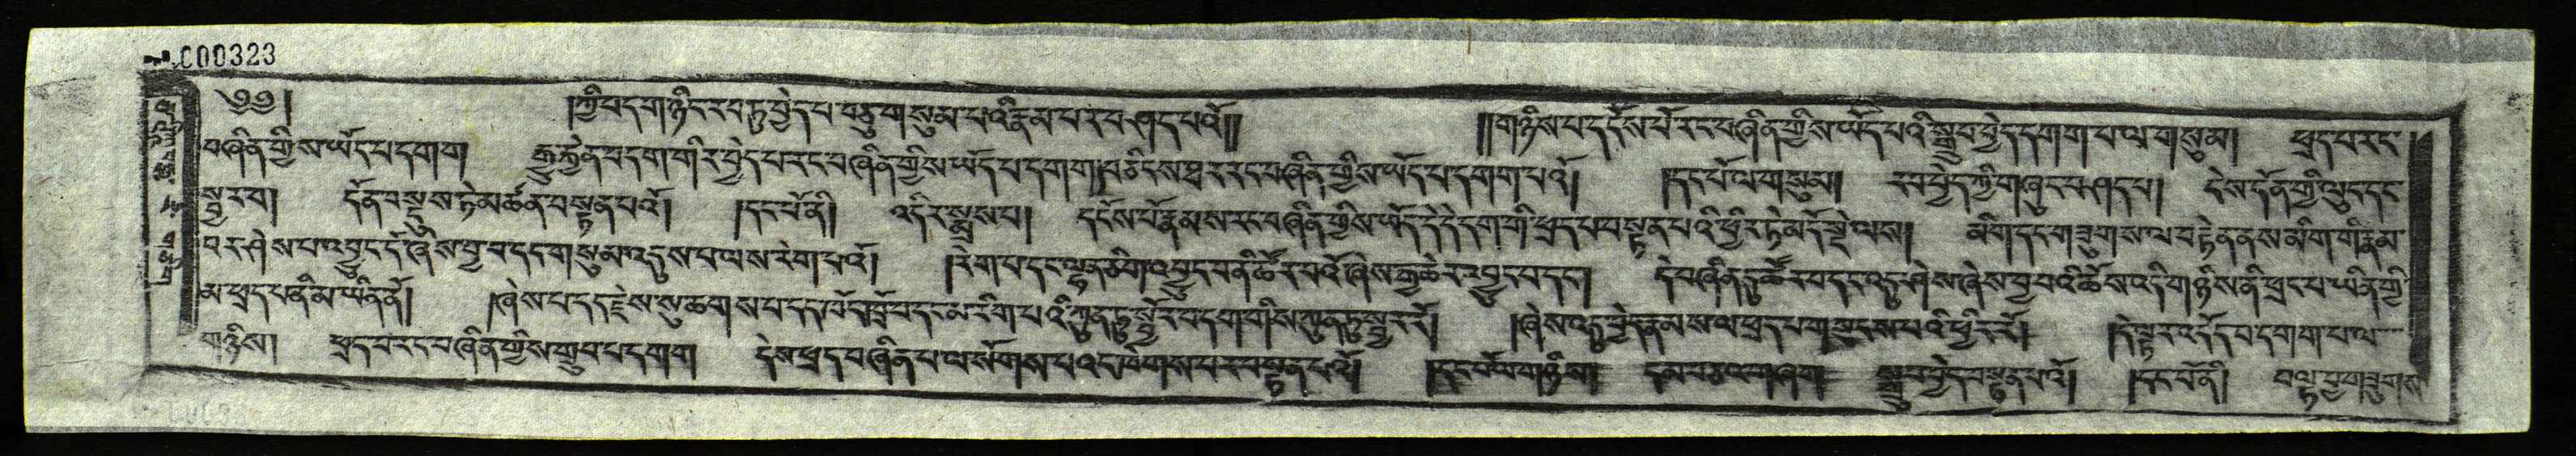༄༅། །ཀྱི་བདག་ཉིད་རབ་ཏུ་བྱེད་པ་བཅུ་གསུམ་པའི་རྣམ་པར་བཤད་པའོ།། །།གཉིས་པ་དངོས་པོ་རང་བཞིན་གྱིས་ཡོད་པའི་སྒྲུབ་བྱེད་དགག་པ་ལ་གསུམ། ཕྲད་པ་རང་
བཞིན་གྱིས་ཡོད་པ་དགག་རྒྱུ་རྐྱེན་བདག་གིར་བྱེད་པ་རང་བཞིན་གྱིས་ཡོད་པ་དགག །བཅིངས་ཐར་རང་བཞིན་གྱིས་ཡོད་པ་དགག་པའོ། །དང་པོ་ལ་གསུམ། རབ་བྱེད་ཀྱི་གཞུང་བཤད་པ། ངེས་དོན་གྱི་ལུང་དང་
སྦྱར་བ། དོན་བསྡུས་ཏེ་མཚན་བསྟན་པའོ། །དང་པོ་ནི། འདིར་སྨྲས་པ། དངོས་པོ་རྣམས་རང་བཞིན་གྱིས་ཡོད་དེ་དེ་དག་གི་ཕྲད་པ་བསྟན་པའི་ཕྱིར་ཏེ་མདོ་སྡེ་ལས། མིག་དང་གཟུགས་ལ་བརྟེན་ནས་མིག་གི་རྣམ་
པར་ཤེས་པ་འབྱུང་ངོ་ཞེས་བྱ་བ་དང་གསུམ་འདུས་པ་ལས་རེག་པའོ། །རེག་པ་དང་ལྷན་ཅིག་འབྱུང་བ་ནི་ཚོར་བའོ་ཞེས་རྒྱ་ཆེར་འབྱུང་བ་དང་། དེ་བཞིན་དུ་ཚོར་བ་དང་འདུ་ཤེས་ཞེས་བྱ་བའི་ཆོས་འདི་གཉིས་ནི་ཕྲང་པ་ཡིན་གྱི་
མ་ཕྲད་པ་ནི་མ་ཡིན་ནོ། །ཞེས་པ་དང་རྗེས་སུ་ཆགས་པ་དང་ཁོང་ཁྲོ་བ་དང་མ་རིག་པའི་ཀུན་ཏུ་སྦྱོར་བ་དག་གིས་ཀུན་ཏུ་སྦྱར་རོ། །ཞེས་འདུ་བྱེད་རྣམས་ལ་ཕྲད་པ་གསུངས་པའི་ཕྱིར་རོ། །དེ་ལྟར་འདོད་པ་དགག་པ་ལ་
གཉིས། ཕྲད་པ་རང་བཞིན་གྱིས་གྲུབ་པ་དགག་དེས་ཕྲད་བཞིན་པ་ལ་སོགས་པའང་ཁེགས་པར་བསྟན་པའོ། །དང་པོ་ལ་གཉིས། དམ་བཅའ་གཞག་སྒྲུབ་བྱེད་བསྟན་པའོ། །དང་པོ་ནི། བལྟ་བྱ་གཟུགས་